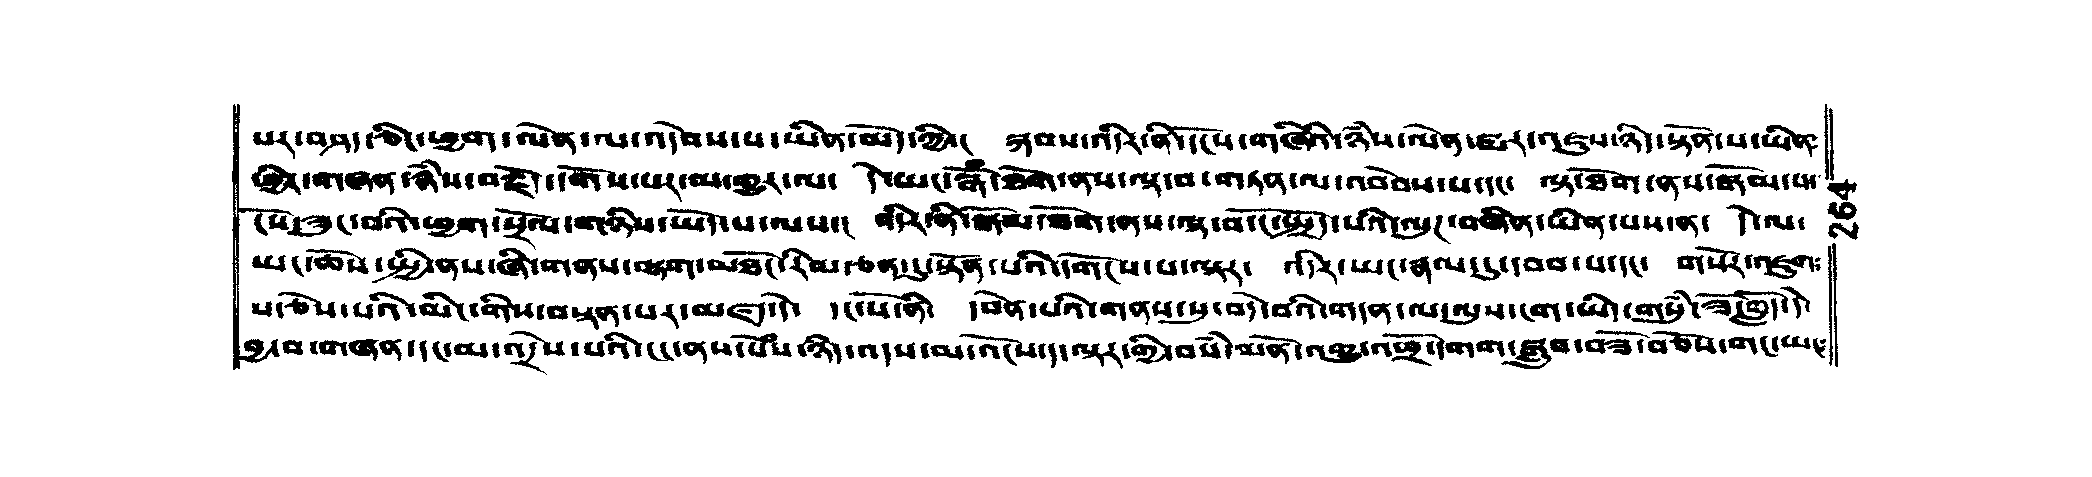པར་བཤད་ཅིང་ཕྱག་ལེན་ལ་འདེབས་པ་ཡིན་མོད་ཀྱི། སྐབས་འདིར་ནི་དངོས་གཞིའི་ཉམས་ལེན་དམར་འཇུས་ཉིད་སྟོན་པ་ཡིན་
ཕྱིར་གཞན་རྣམས་བརྗོད་དགོས་པར་མ་གྱུར་ལ། དེ་ཡང་སྒོམ་ཐོག་ནས་ལྟ་བ་གཏན་ལ་འབེབས་པ་དང། ལྟ་ཐོག་ནས་སྒོམ་པ་
ངོས་བཟུང་བའི་ཕྱག་སྲོལ་གཉིས་ཡོད་པ་ལས། འདིར་ནི་སྒོམ་ཐོག་ནས་ལྟ་བ་ངོ་སྤྲོད་པའི་ལུགས་བཞིན་ཡིན་པས་ན། དེ་ལ་
ཡང་ཆོས་སྤྱི་ནས་ཞི་གནས་ལྷག་མཐོང་རིམ་ཅན་དུ་སྟོན་པའི་དགོངས་པ་ལྟར། འདིར་ཡང་རྣལ་དུ་དབབ་པ་དང་། གསོར་འཇུག་
པ་ཞེས་པའི་མིང་གིས་བསྟན་པ་མཛད་དེ། དང་པོ་ནི། དབེན་པའི་གནས་སུ་བདེ་བའི་གདན་ལ་ལུས་ངག་ཡིད་གསུམ་བཟོ་གློད་དེ་
བྱ་བ་གཞན་དང་མ་འདྲེས་པའི་ངང་ནས་སེམས་ཉིད་འདས་མ་འོངས་ད་ལྟར་གྱི་བསམ་མནོ་འགྱུ་འཕྲོ་དགག་སྒྲུབ་བཟོ་བཅོས་གང་ཡང་